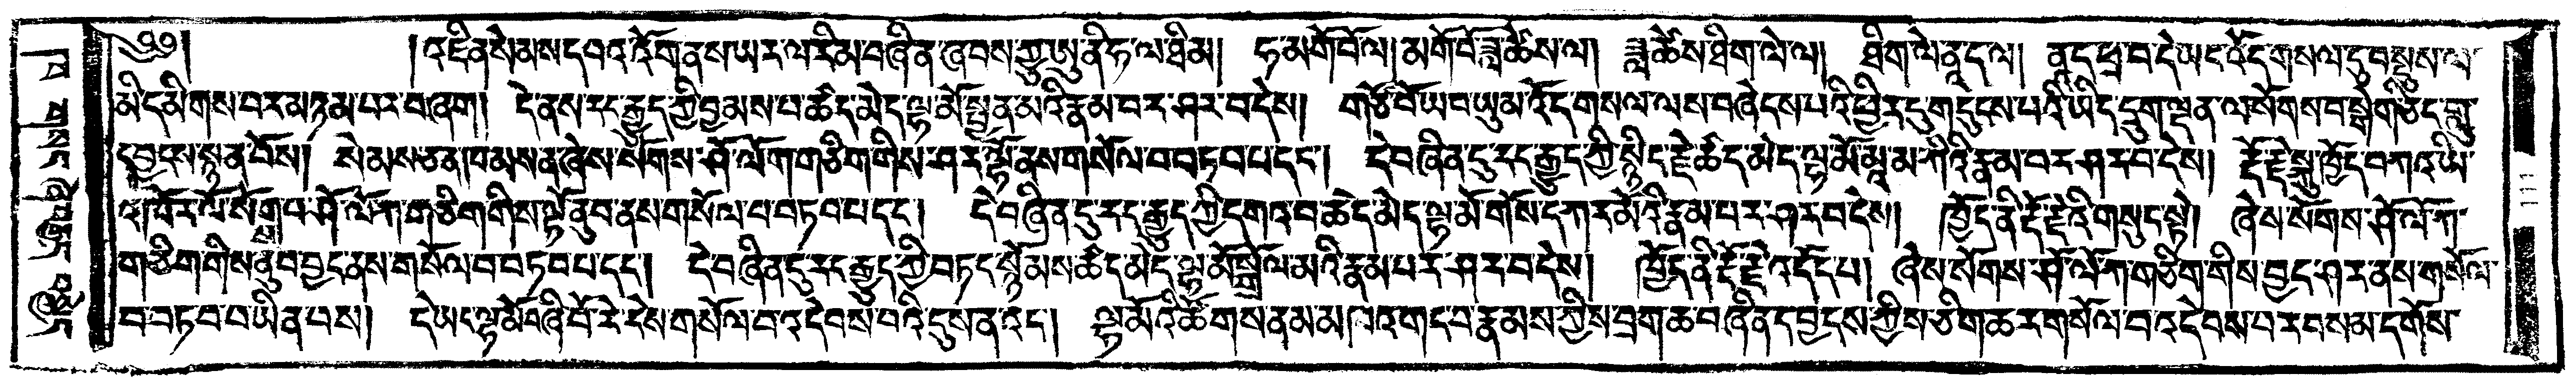༄༅། །འཛིན་སེམས་དཔའ་འོག་ནས་ཡར་ལ་རིམ་བཞིན་ཞབས་ཀྱུ་ཨུ་ནི་ཧ་ལ་ཐིམ། ཧ་མགོ་བོ་ལ། མགོ་བོ་ཟླ་ཚེས་ལ། ཟླ་ཚེས་ཐིག་ལེ་ལ། ཐིག་ལེ་ནཱ་ད་ལ། ནཱ་ད་ཕྲ་བ་དེ་ཡང་འོད་གསལ་དུ་བསྡུས་ལ་
མི་དམིགས་བར་མཉམ་པར་བཞག། དེ་ནས་རང་རྒྱུད་ཀྱི་བྱམས་པ་ཚད་མེད་ལྷ་མོ་སྤྱན་མའི་རྣམ་པར་ཤར་བ་དེས། གཙོ་བོ་ཡབ་ཡུམ་འོད་གསལ་ལས་བཞེངས་པའི་ཕྱིར་དུ་གདུངས་པའི་ཡིད་དྲུག་ལྡན་ལ་སོགས་བ་སྒེག་ཅིང་གླུ་
དབྱངས་སྙན་བོས། སེམས་ཅན་ཁམས་ན་ཞེས་སོགས་ཤོ་ལོ་ཀ་གཅིག་གིས་ཤར་ལྷོ་ནས་གསོལ་བ་བཏབ་པ་དང་། དེ་བཞིན་དུ་རང་རྒྱུད་ཀྱི་སྙིང་རྗེ་ཚད་མེད་ལྷ་མོ་མཱ་མ་ཀིའི་རྣམ་བར་ཤར་བ་དེས། རྡོ་རྗེ་སྐུ་ཁྱོད་བཀའ་ཡི་
འཁོར་ལོ་སོགས་པ་ཤོ་ལོ་ཀ་གཅིག་གིས་ལྷོ་ནུབ་ནས་གསོལ་བ་བཏབ་པ་དང་། དེ་བཞིན་དུ་རང་རྒྱུད་ཀྱི་དགའ་བ་ཆེད་མེད་ལྷ་མོ་གོས་དཀར་མོའི་རྣམ་པར་ཤར་བ་དེས། ཁྱོད་ནི་རྡོ་རྗེའི་གསུང་སྟེ། ཞེས་སོགས་ཤོ་ལོ་ཀ་
གཅིག་གིས་ནུབ་བྱང་ནས་གསོལ་བ་བཏབ་པ་དང་། དེ་བཞིན་དུ་རང་རྒྱུད་ཀྱི་བཏང་སྙོམས་ཚད་མེད་ལྷ་མོ་སྒྲོལ་མའི་རྣམ་པར་ཤར་བ་དེས། ཁྱོད་ནི་རྡོ་རྗེ་འདོད་པ། ཞེས་སོགས་ཤོ་ལོ་ཀ་གཅིག་གིས་བྱང་ཤར་ནས་གསོལ་
བ་བཏབ་པ་ཡིན་པས། དེ་ཡང་ལྷ་མོ་བཞི་པོ་རེ་རེས་གསོལ་བ་འདེབས་པའི་དུས་ན་འང་། ལྷ་མོའི་ཚོགས་ནམ་མཁའ་གང་བ་རྣམས་ཀྱིས་བྲག་ཆ་བཞིན་དབྱངས་ཀྱིས་ཅིག་ཆར་གསོལ་བ་འདེབས་པར་བསམ་དགོས་